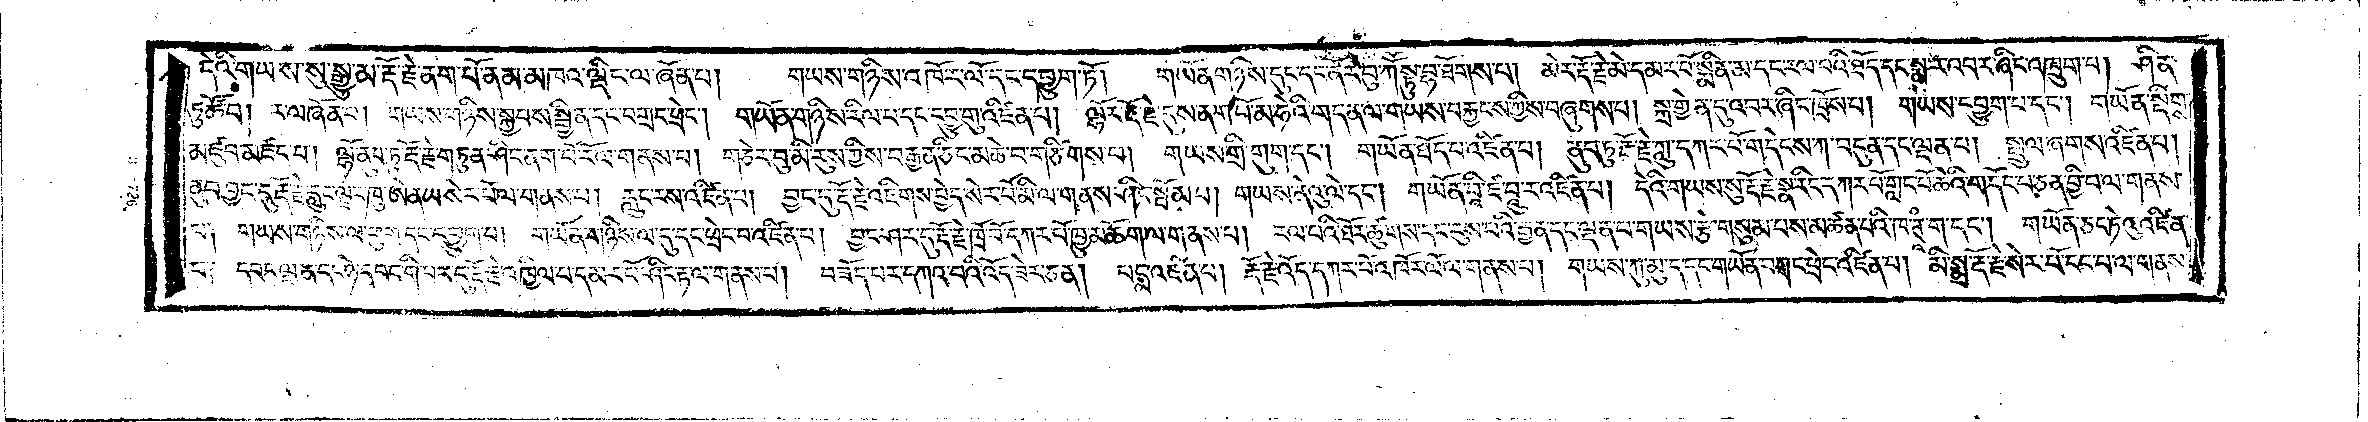དེའི་གཡས་སུ་སྒྱུ་མ་རྡོ་རྗེ་ནག་པོ་ནམ་མཁའ་ལྡིང་ལ་ཞོན་པ། གཡས་གཉིས་འཁོར་ལོ་དང་དབྱུག་ཏོ། གཡོན་གཉིས་དུང་དང་ནར་བུ་ཀཽ་སྟུ་བྷ་ཐོགས་པ། མེར་རྡོ་རྗེ་མེ་དམར་པོ་སྨིན་མ་དང་རལ་བའི་ཐོད་དང་སྨར་འབར་ཞིང་འཁྲུག་པ། ཤིན་
ཏུ་ཚོ་བ། ར་ལ་ཞོན་པ། གཡས་གཉིས་སྐྱབས་སྦྱིན་དང་བགྲང་ཕྲེང་། གཡོན་གཉིས་རིལ་པ་དང་དབྱུ་གུ་འཛིན་པ། ལྷོར་རྡོ་རྗེ་དུས་ནག་པོ་མ་ཧེའི་གདན་ལ་གཡས་བརྐྱངས་ཀྱིས་བཞུགས་པ། སྐྲ་གྱེན་དུ་འབར་ཞིང་ཁྲོས་པ། གཡས་དབྱུག་པ་དང་། གཡོན་སྡིགས་
མཛུབ་མཛད་པ། ལྷོ་ནུབ་ཏུ་རྡོ་རྗེ་གཏུན་ཤིང་ནག་པོ་རོལ་གནས་པ། གཅེར་བུ་མི་རུས་ཀྱིས་བརྒྱན་ཅིང་མཆེ་བ་གཙིགས་པ། གཡས་གྲི་གུག་དང་། གཡོན་ཐོད་པ་འཛིན་པ། ནུབ་ཏུ་རྡོ་རྗེ་ཀླུ་དཀར་པོ་གདེངས་ཀ་བདུན་དང་ལྡན་པ། སྦྲུལ་ཞགས་འཛིན་པ།
ནུབ་བྱང་དུ་རྡོ་རྗེ་རླུང་ལྗང་ཁུ་ཨེ་ན་ཡ་སེར་པོ་ལ་གནས་པ། རླུང་རས་འཛིན་པ། བྱང་དུ་རྡོ་རྗེ་འཇིགས་བྱེད་སེར་པོ་མི་ལ་གནས་ཤིང་སྦོམ་པ། གཡས་ནེའུ་ལེ་དང་། གཡོན་བཱི་ཛ་བཱུ་ར་འཛིན་པ། དེའི་གཡས་སུ་རྡོ་རྗེ་སྣ་རིང་དཀར་པོ་གླང་པོ་ཆེའི་གདོང་པ་ཅན་བྱི་བ་ལ་གནས་
པ༑ གཡས་གཉིས་ལ་ཕུག་དང་དབྱུག་པ། གཡོན་གཉིས་ལ་དུ་དང་ཕྲེང་བ་འཛིན་པ། བྱང་ཤར་དུ་རྡོ་རྗེ་ཁྲོ་བོ་དཀར་པོ་ཁྱུ་མཆོག་ལ་གནས་པ། རལ་པའི་ཐོར་ཚུགས་དང་རུས་པའི་རྒྱན་དང་ལྡན་པ་གཡས་རྩེ་གསུམ་པས་མཚན་པའི་ཁ་ཊཱཾ་ག་དང་། གཡོན་ཅང་ཏེའུ་འཛིན་
བ༑ དབང་ལྡན་དང་ཉེ་དབང་གི་བར་དུ་རྡོ་རྗེ་འཁྱིལ་པ་དམར་པོ་ཤིང་རྟ་ལ་གནས་པ། བཟོད་པར་དཀའ་བའི་འོད་ཟེར་ཅན། པདམ་འཛིན་པ། རྡོ་རྗེ་འོད་དཀར་པོ་འཁོར་ལོ་ལ་གནས་པ། གཡས་ཀུ་མུ་ད་དང་གཡོན་བགང་ཕྲེང་འཛིན་པ། མི་སྨྲ་རྡོ་རྗེ་སེར་པོ་དང་པ་ལ་གནས་